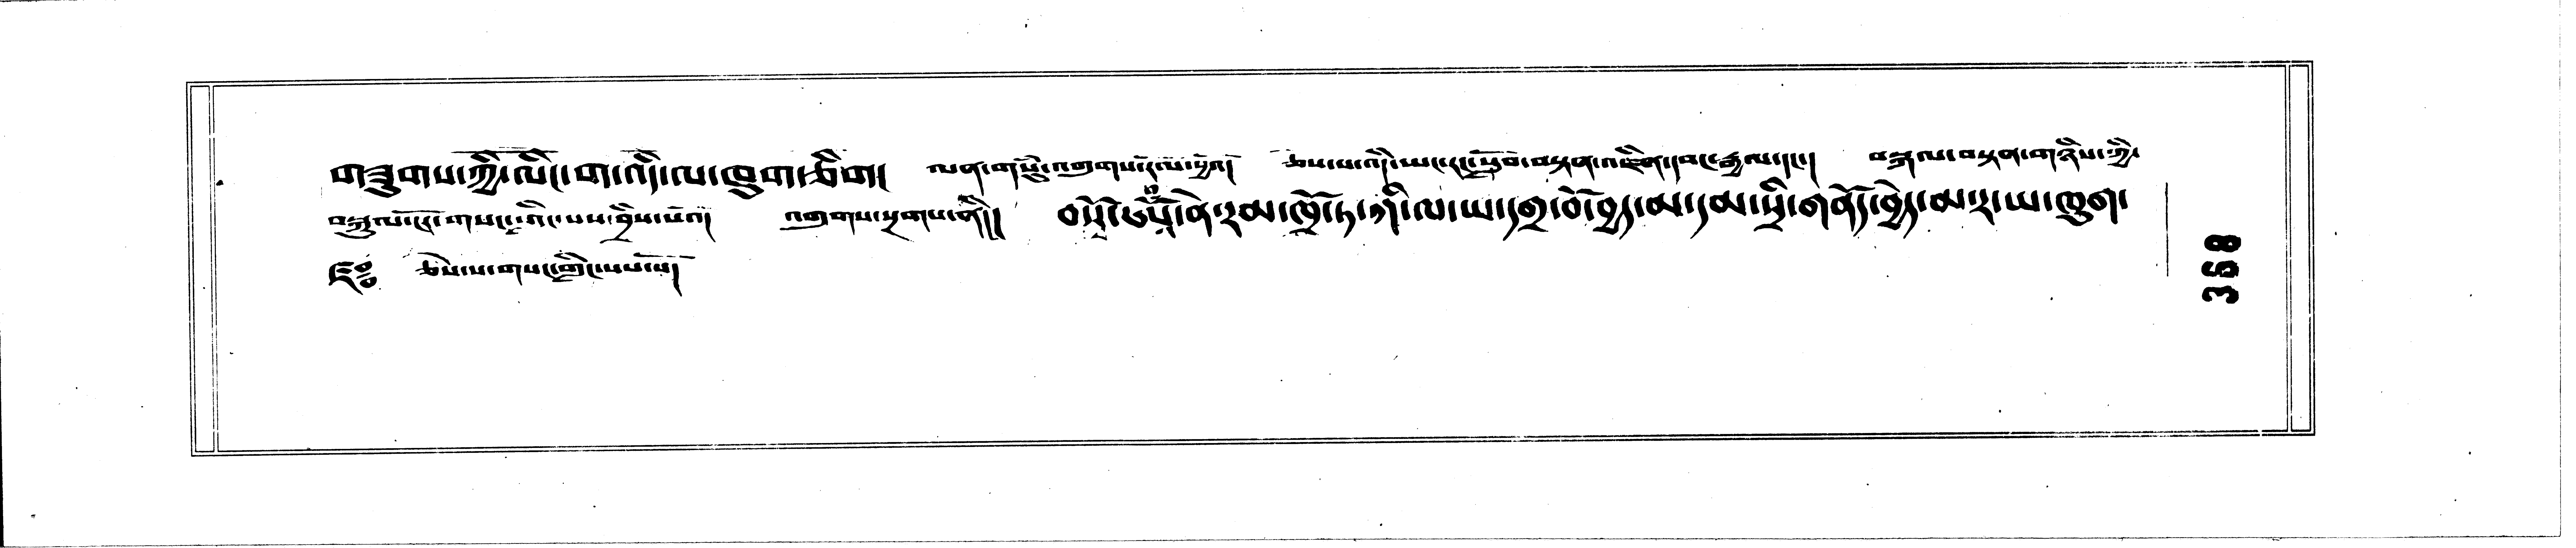གཟུགས་ཀྱི་ལིང་ག་འདི་ལ་ཁུག་ཅིག ལན་གསུམ་འགུགས་རོལ་བྱའོ། ཅེས་པ་འདི་ཡང་རང་སློབ་བསྟན་འཛིན་དབང་རྒྱལ་དང་། བསྐལ་བསྟན་གཉིས་ཀྱི་
བསྐུལ་ངོར་གསང་གླིང་པས་བྲིས་པའོ། འགུགས་སྔགས་ནི། བསྭོ་ཨཱོྃ་ནེ་རམ་ཁྲོ་ཏ་ཀི་ལ་ཡ་དགྲ་བོ་བྱད་མ་དམ་སྲི་གནོད་བྱེད་མ་ར་ཡ་ཁུག་
ཛ༔ ཅེས་པ་གསང་གླིང་པས་སོ།